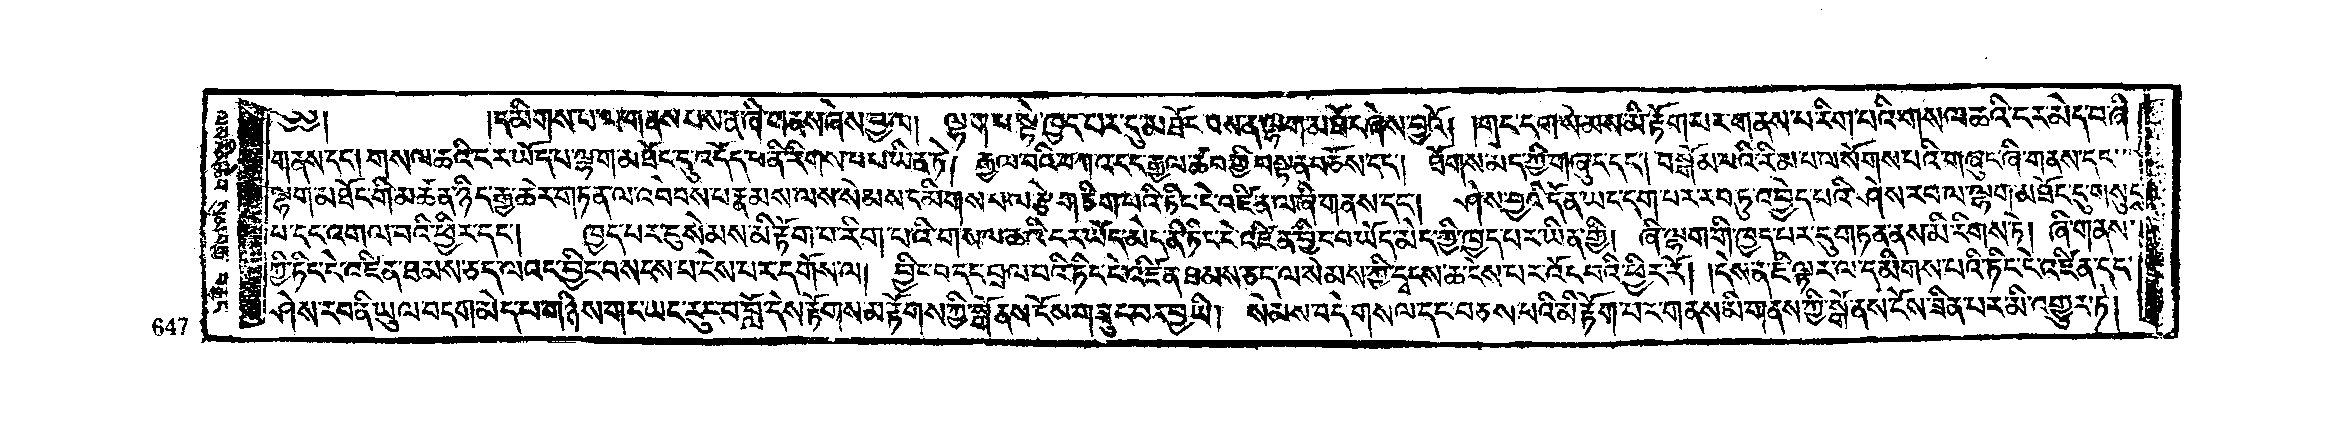༄༅། །དམིགས་པ་ལ་གནས་པས་ན་ཞི་གནས་ཞེས་བྱ་ལ། ལྷག་པ་སྟེ་ཁྱད་པར་དུ་མཐོང་བས་ན་ལྷག་མཐོང་ཞེས་བྱའོ། །གང་དག་སེམས་མི་རྟོག་པར་གནས་པ་རིག་པའི་གསལ་ཆའི་ངར་མེད་པ་ཞི་
གནས་དང་། གསལ་ཆའི་ངར་ཡོད་པ་ལྷག་མཐོང་དུ་འདོད་པ་ནི་རིགས་པ་མ་ཡིན་ཏེ། རྒྱལ་བའི་བཀའ་དང་རྒྱལ་ཚབ་ཀྱི་བསྟན་བཅོས་དང་། ཐོགས་མེད་ཀྱི་གཞུང་དང་། བསྒོམ་པའི་རིམ་པ་ལ་སོགས་པའི་གཞུང་ཞི་གནས་དང་
ལྷག་མཐོང་གི་མཚན་ཉིད་རྒྱ་ཆེར་གཏན་ལ་འབེབས་པ་རྣམས་ལས་སེམས་དམིགས་པ་ལ་རྩེ་གཅིག་པའི་ཏིང་ངེ་འཛིན་ལ་ཞི་གནས་དང་། ཤེས་བྱའི་དོན་ཡང་དག་པར་རབ་ཏུ་འབྱེད་པའི་ཤེས་རབ་ལ་ལྷག་མཐོང་དུ་གསུངས་
པ་དང་འགལ་བའི་ཕྱིར་དང་། ཁྱད་པར་དུ་སེམས་མི་རྟོག་པ་རིག་པའི་གསལ་ཆའི་ངར་ཡོད་མེད་ནི་ཏིང་ངེ་འཛིན་བྱིང་བ་ཡོད་མེད་ཀྱི་ཁྱད་པར་ཡིན་གྱི། ཞི་ལྷག་གི་ཁྱད་པར་དུ་གཏན་ནས་མི་རིགས་ཏེ། ཞི་གནས་
ཀྱི་ཏིང་ངེ་འཛིན་ཐམས་ཅད་ལའང་བྱིང་བ་སངས་པ་ངེས་པར་དགོས་ལ། བྱིང་བ་དང་བྲལ་བའི་ཏིང་ངེ་འཛིན་ཐམས་ཅད་ལ་སེམས་ཀྱི་དྭངས་ཆ་ངེས་པར་འོང་བའི་ཕྱིར་རོ། །དེས་ན་ཇི་ལྟ་བ་ལ་དམིགས་པའི་ཏིང་ངེ་འཛིན་དང་
ཤེས་རབ་ནི་ཡུལ་བདག་མེད་པ་གཉིས་གང་ཡང་རུང་བ་བློ་དེས་རྟོགས་མ་རྟོགས་ཀྱི་སྒོ་ནས་ངོས་གཟུང་བར་བྱ་ཡི། སེམས་བདེ་གསལ་དང་བཅས་པའི་མི་རྟོག་པར་གནས་མི་གནས་ཀྱི་སྒོ་ནས་ངོས་ཟིན་པར་མི་འགྱུར་ཏེ།